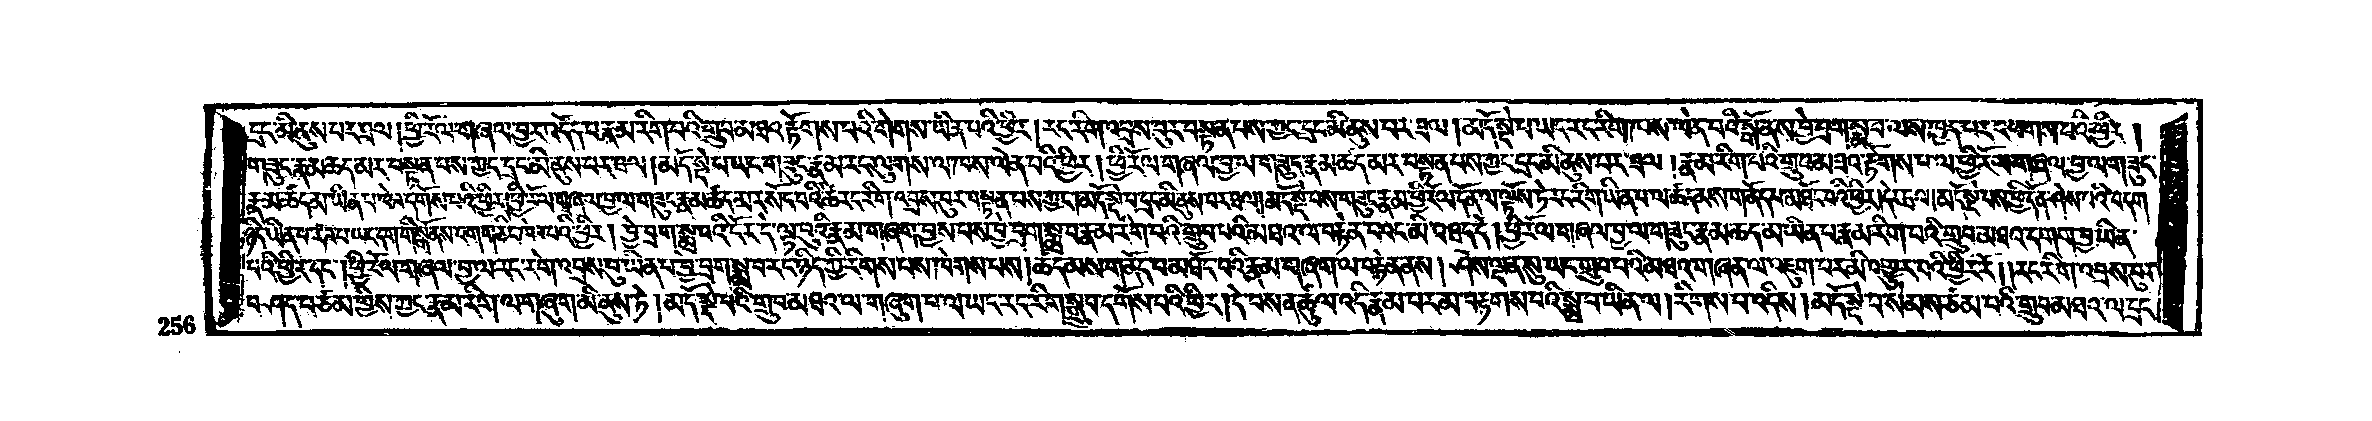དྲང་མི་ནུས་པར་ཐལ། ཕྱི་རོལ་གཞལ་བྱར་འདོད་པ་རྣམ་རིག་པའི་གྲུབ་མཐའ་རྟོགས་པའི་གེགས་ཡིན་པའི་ཕྱིར། རང་རིག་འབྲས་བུར་བསྟན་པས་ཀྱང་དྲང་མི་ནུས་པར་ཐལ། མདོ་སྡེ་པ་ཡང་རང་རིག་ཁས་ལེན་པའི་སྒོ་ནས་བྱེ་བྲག་སྨྲ་བ་ལས་ཁྱད་པར་འཕགས་པའི་ཕྱིར།
གཟུང་རྣམ་ཚད་མར་བསྟན་པས་ཀྱང་དྲང་མི་ནུས་པར་ཐལ། མདོ་སྡེ་པ་ཡང་གཟུང་རྣམ་རང་ལུགས་ལ་ཁས་ལེན་པའི་ཕྱིར། ཕྱི་རོལ་གཞལ་བྱ་ལ་གཟུང་རྣམ་ཚད་མར་བསྟན་པས་ཀྱང་དྲང་མི་ནུས་པར་ཐལ། རྣམ་རིག་པའི་གྲུབ་མཐའ་རྟོགས་པ་ལ་ཕྱི་རོལ་གཞལ་བྱ་ལ་གཟུང་
རྣམ་ཚད་མ་ཡིན་པ་ཁེཌ་དགོས་པའི་ཕྱིར། ཕྱི་རོལ་གཞལ་བྱ་ལ་གཟུང་རྣམ་ཚད་མར་སོང་བའི་ཚེ་རང་རིག་འབྲས་བུར་བསྟན་པས་ཀྱང་། མདོ་སྡེ་པ་དྲང་མི་ནུས་པར་ཐལ། མདོ་སྡེ་པས་གཟུང་རྣམ་ཕྱི་རོལ་དོན་ལ་ལྟོས་ཏེ་རང་རིག་ཡིན་པ་ལ་ཚད་མས་གནོད་པ་མཐོང་བའི་ཕྱིར། དེར་ཐལ། མདོ་སྡེ་པས་ཕྱི་དོན་ཤེས་པའི་བདག་
ཉིད་ཡིན་པ་རིཌ་ཡང་དག་གི་སྒོ་ནས་འགོག་ཅིང་ཁེཌ་པའི་ཕྱིར། བྱེ་བྲག་སྨྲ་བའི་ངོར་དེ་ལྟ་བུའི་རྣམ་གཞག་བྱས་པས་བྱེ་བྲག་སྨྲ་བ་རྣམ་རིག་པའི་གྲུབ་པའི་མཐའ་ལ་བརྟེན་པའང་མི་འཐད་དེ། ཕྱི་རོལ་གཞལ་བྱ་ལ་གཟུང་རྣམ་ཚད་མ་ཡིན་པ་རྣམ་རིག་པའི་གྲུབ་མཐའ་དགག་བྱ་ཡིན་
པའི་ཕྱིར་དང་། ཕྱི་རོལ་གཞལ་བྱ་ལ་རང་རིག་འབྲས་བུ་ཡིན་པ་བྱེ་བྲག་སྨྲ་བ་རང་ཉིད་ཀྱི་རིགས་པས་ཁེགས་པས། ཚད་མས་གནོད་པ་མཐོང་བའི་རྣམ་གཞག་ལ་བརྟེན་ནས། ཤེས་ལྡན་སུ་ཡང་གྲུབ་པའི་མཐའ་གཞན་ལ་འཇུག་པར་མི་འགྱུར་བའི་ཕྱིར་རོ། །རང་རིག་འབྲས་བུར་
བཤད་པ་ཙམ་གྱིས་ཀྱང་རྣམ་རིག་ལ་གཞུག་མི་ནུས་ཏེ། མདོ་སྡེ་པའི་གྲུབ་མཐའ་ལ་གཞུག་པ་ལ་ཡང་རང་རིག་སྒྲུབ་དགོས་པའི་ཕྱིར། དེ་བས་ན་ཚུལ་འདི་རྣམ་པར་མ་བརྟགས་པའི་སྨྲ་བ་ཡིན་ལ། རིགས་པ་འདིས། མདོ་སྡེ་པ་སེམས་ཙམ་པའི་གྲུབ་མཐའ་ལ་དྲང་